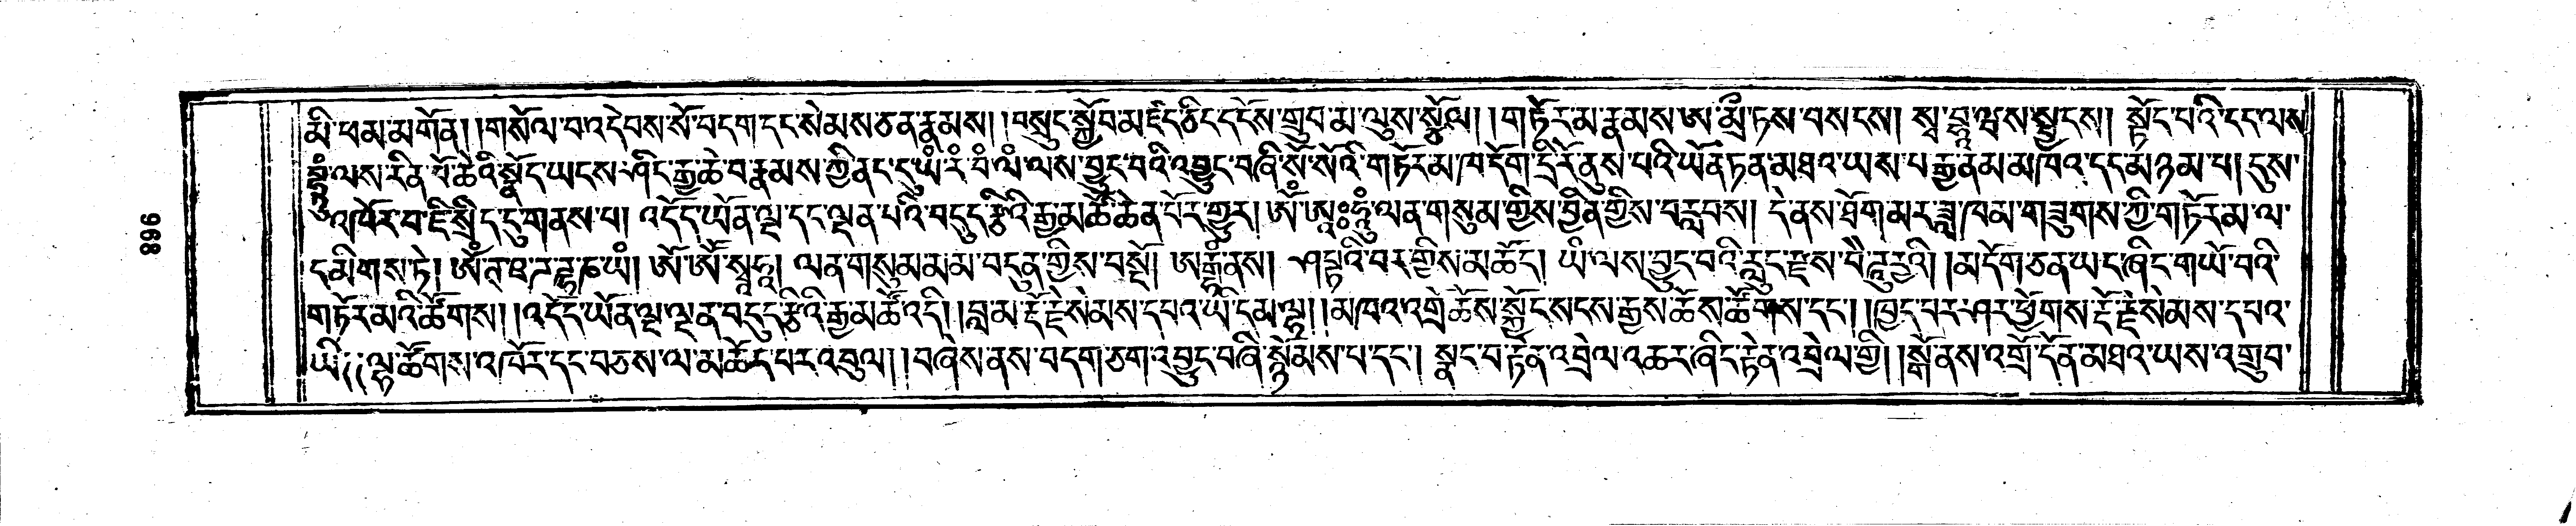མི་ཕམ་མགོན། །གསོལ་བ་འདེབས་སོ་བདག་དང་སེམས་ཅན་རྣམས། །བསྲུང་སྐྱོབ་མཛད་ཅིང་དངོས་གྲུབ་མ་ལུས་སྩོལ། །གཏོར་མ་རྣམས་ཨ་མྲྀ་ཏས་བསངས། སྭ་བྷཱ་ཝས་སྦྱངས། སྟོང་པའི་ངང་ལས་
བྷྲཱུཾ་ལས་རིན་པོ་ཆེའི་སྣོད་ཡངས་ཤིང་རྒྱ་ཆེ་བ་རྣམས་ཀྱི་ནང་དུ་ཡཾ་རཾ་བཾ་ལཾ་ལས་བྱུང་བའི་འབྱུང་བཞི་སོ་སོའི་གཏོར་མ་ཁ་དོག་དྲི་རོ་ནུས་པའི་ཡོན་ཏན་མཐའ་ཡས་པ་རྒྱ་ནམ་མཁའ་དང་མཉམ་པ། དུས་
འཁོར་བ་ཇི་སྲིད་དུ་གནས་པ། འདོད་ཡོན་ལྔ་དང་ལྡན་པའི་བདུད་རྩིའི་རྒྱ་མཚོ་ཆེན་པོར་གྱུར། ཨོཾ་ཨཱཿ ཧཱུཾ་ལན་གསུམ་གྱིས་བྱིན་གྱིས་བརླབས། དེ་ནས་ཐོག་མར་ཟླ་ཁམ་གཟུགས་ཀྱི་གཏོར་མ་ལ་
དམིགས་ཏེ། ཨོཾ་ཊ་ཊཿཨ་ཌ་ཌྷ་ཎ་ཡཾ། ཨོ་ཨཽ་སྭཱ་ཧཱ། ལན་གསུམ་མམ་བདུན་གྱིས་བསྔོ། ཨརྒྷཾ་ནས། ཤཔྟའི་བར་གྱིས་མཆོད། ཡཾ་ལས་བྱུང་བའི་རླུང་རྫས་བཻ་ཌཱུ་རྱའི། །མདོག་ཅན་ཡང་ཞིང་གཡོ་བའི་
གཏོར་མའི་ཚོགས། །འདོད་ཡོན་ལྔ་ལྡན་བདུད་རྩིའི་རྒྱ་མཚོ་འདི། །བླ་མ་རྡོ་རྗེ་སེམས་དཔའ་ཡི་དམ་ལྷ། །མཁའ་འགྲོ་ཆོས་སྐྱོང་སངས་རྒྱས་ཆོས་ཚོགས་དང་། །ཁྱད་པར་ཤར་ཕྱོགས་རྡོ་རྗེ་སེམས་དཔའ་
ཡི། །ལྷ་ཚོགས་འཁོར་དང་བཅས་ལ་མཆོད་པར་འབུལ། །བཞེས་ནས་བདག་ཅག་འབྱུང་བཞི་སྙོམས་པ་དང་། སྣང་བ་རྟེན་འབྲེལ་འཆར་ཞིང་རྟེན་འབྲེལ་གྱི། །སྒོ་ནས་འགྲོ་དོན་མཐའ་ཡས་འགྲུབ་